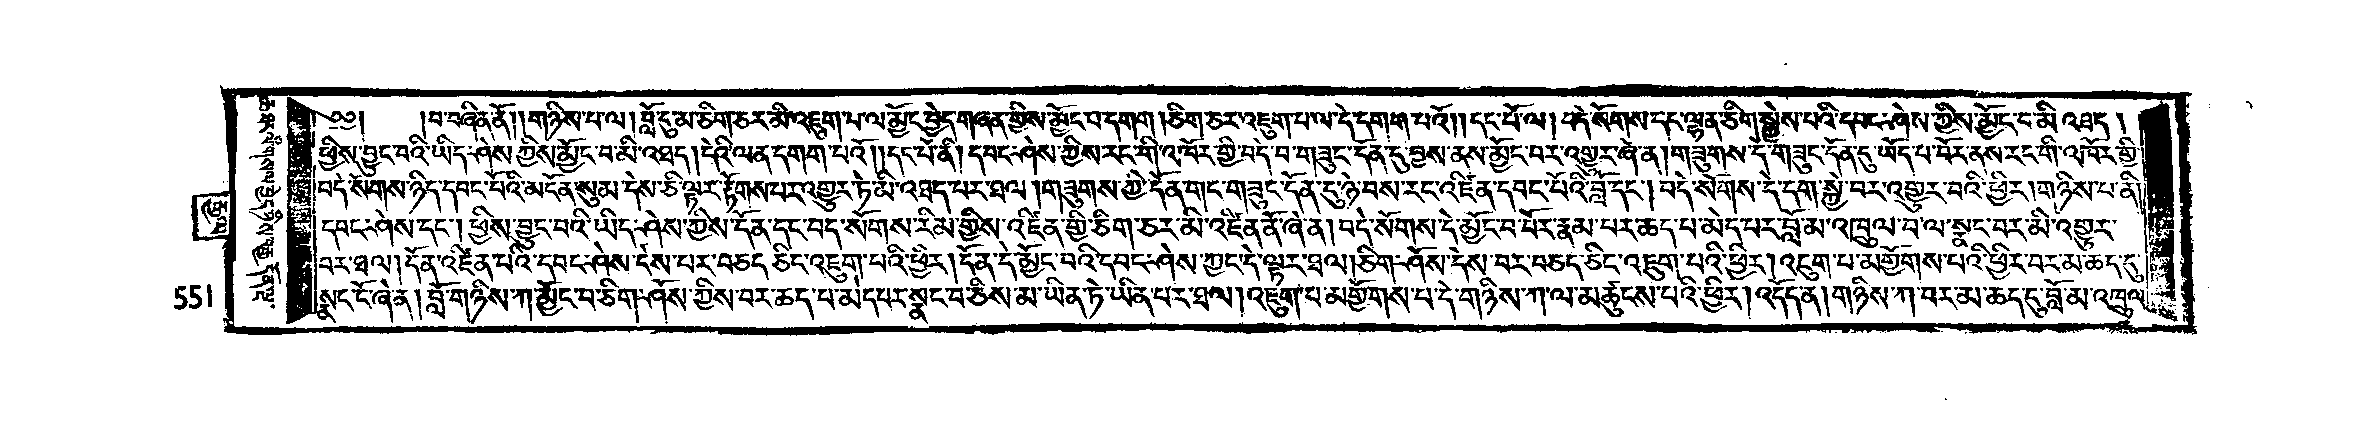༄༅། །བ་བཞིན་ནོ། །གཉིས་པ་ལ། བློ་དུ་མ་ཅིག་ཅར་མི་འཇུག་པ་ལ་མྱོང་བྱེད་གཞན་གྱིས་མྱོང་བ་དགག །ཅིག་ཅར་འཇུག་པ་ལ་དེ་དགག་པའོ། །དང་པོ་ལ། བདེ་སོགས་དང་ལྷན་ཅིག་སྐྱེས་པའི་དབང་ཤེས་ཀྱིས་མྱོང་བ་མི་འཐད།
ཕྱིས་བྱུང་བའི་ཡིད་ཤེས་ཀྱིས་མྱོང་བ་མེ་འཐད། དེའི་ལན་དགག་པའོ། །དང་པོ་ནི། དབང་ཤེས་ཀྱིས་རང་གི་འཁོར་གྱི་བདེ་བ་གཟུང་དོན་དུ་བྱས་ནས་མྱོང་བར་འགྱུར་ཞི་ན། གཟུགས་དེ་གཟུང་དོན་དུ་ཡོད་པ་བོར་ནས་རང་གི་འཁོར་གྱི་
བདེ་སོགས་ཉིད་དབང་པོའི་མངོན་སུམ་དེས་ཅི་ལྟར་རྟོགས་པར་འགྱུར་ཏེ་མི་འཐད་པར་ཐལ། གཟུགས་ཀྱི་དོན་གང་གཟུང་དོན་དུ་ཉེ་བས་རང་འཛིན་དབང་པོའི་བློ་དང་། བདེ་སོགས་དེ་དག་སྐྱེ་བར་འགྱུར་བའི་ཕྱིར། གཉིས་པ་ནི།
དབང་ཤེས་དང་། ཕྱིས་བྱུང་བའི་ཡིད་ཤེས་ཀྱིས་དོན་དང་བད་སོགས་རིམ་གྱིས་འཛིན་གྱི་ཅིག་ཅར་མི་འཛིན་ནོ་ཞེ་ན། བདེ་སོགས་དེ་མྱོང་བ་པོར་རྣམ་པར་ཆད་པ་མེད་པར་བློ་མ་འཁྲུལ་བ་ལ་སྣང་བར་མི་འགྱུར་
བར་ཐལ། དོན་འཛིན་པའི་དབང་ཤེས་ངེས་པར་བཅད་ཅིང་འཇུག་པའི་ཕྱིར། དོན་དེ་མྱོང་བའི་དབང་ཤེས་ཀྱང་དེ་ལྟར་ཐལ། ཅིག་ཤོས་དེས་བར་བཅད་ཅིང་འཇུག་པའི་ཕྱིར། འཇུག་པ་མགྱོགས་པའི་ཕྱིར་པར་མ་ཆད་དུ་
སྣང་ངོ་ཞེ་ན། བློ་གཉིས་ཀ་མྱོང་བ་ཅིག་ཤོས་ཀྱིས་བར་ཆད་པ་མེད་པར་སྣང་བ་ཅིས་མ་ཡིན་ཏེ་ཡིན་པར་ཐལ། འཇུག་པ་མགྱོགས་པ་དེ་གཉིས་ཀ་ལ་མཚུངས་པའི་ཕྱིར། འདོད་ན། གཉིས་ཀ་བར་མ་ཆད་དུ་བློ་མ་འཁྲུལ་